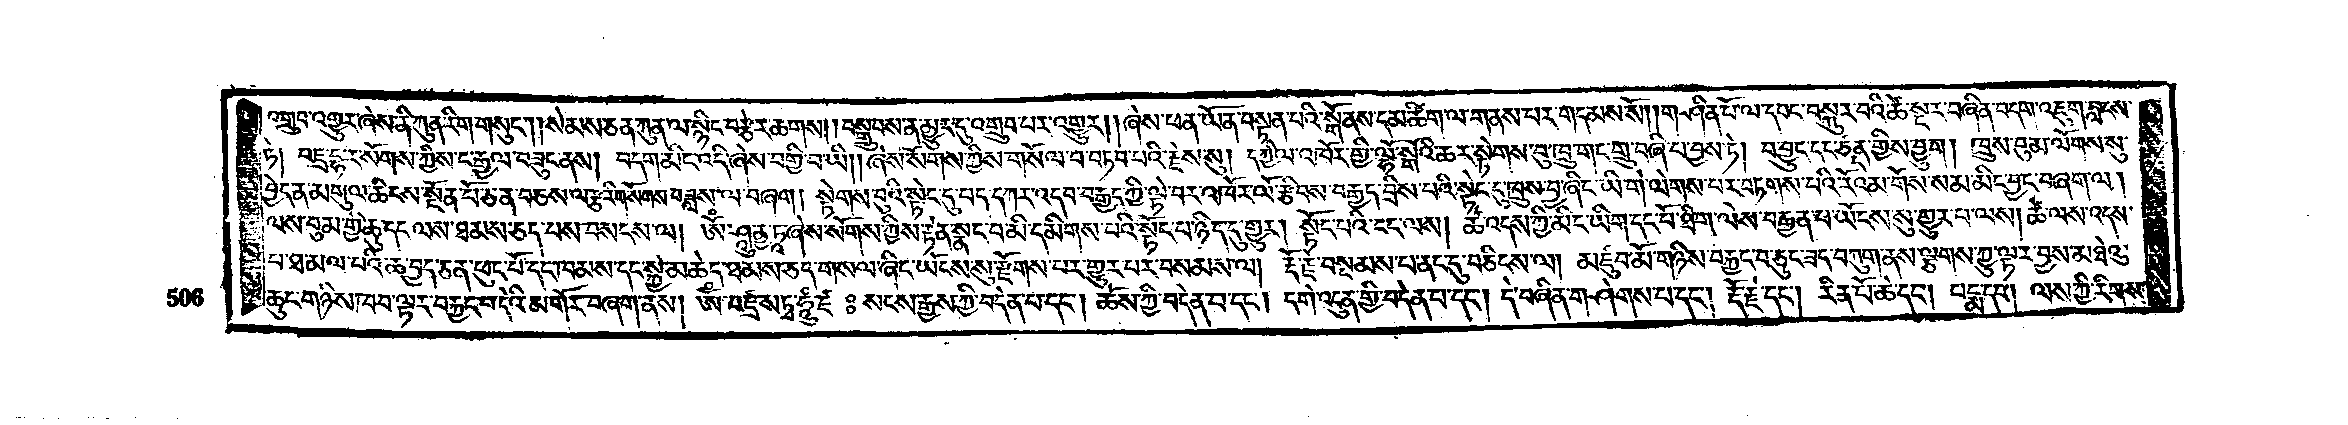འགྲུབ་འགྱུར་ཞེས་ནི་ཀུན་རིག་གསུང་། །སེམས་ཅན་ཀུན་ལ་སྙིང་བརྩེར་ཆགས། །བསྒྲུབས་ན་མྱུར་དུ་འགྲུབ་པར་འགྱུར། །ཞེས་ཕན་ཡོན་བསྟན་པའི་སྒོ་ནས་དམ་ཚིག་ལ་གནས་པར་གདམས་སོ། །གཤིན་པོ་ལ་དབང་བསྐུར་བའི་ཚེ་སྔར་བཞིན་བདག་འཇུག་བླངས་
ཏེ། བཛྲ་དྷ་ར་སོགས་ཀྱིས་ང་རྒྱལ་བཟུང་ནས། བདག་མིང་འདི་ཞེས་བགྱི་བ་ཡི། །ཞེས་སོགས་ཀྱིས་གསོལ་བ་བཏབ་པའི་རྗེས་སུ། དཀྱིལ་འཁོར་གྱི་ལྷོ་སྒོའི་ཆར་སྟེགས་བུ་ཁྲུ་གང་གྲུ་བཞི་པ་བྱས་ཏེ། བ་བྱུང་དང་ཙནྡན་གྱིས་བྱུག །ཁྲུས་བུམ་ལོགས་སུ་
བྱེད་ན་མགུལ་ཆིངས་སྔོན་པོ་ཅན་བཅས་ལ་རྩ་རིག་སོགས་བཟླས་ལ་བཞག །སྟེགས་བུའི་སྟེང་དུ་པད་དཀར་འདབ་བརྒྱད་ཀྱི་ལྟེ་བར་འཁོར་ལོ་རྩིབས་བརྒྱད་བྲིས་པའི་སྟེང་དུ་ཁྲུས་བྱ་ཞིང་ཡི་གེ་ལེགས་པར་བཏགས་པའི་རོའམ་གོས་སམ་མིང་བྱང་བཞག་ལ།
ལས་བུམ་གྱི་ཆུ་དང་ལས་ཐམས་ཅད་པས་བསངས་ལ། ཨོཾ་ཤཱུ་ནྱ་ཏཱ་ཞེས་སོགས་ཀྱིས་རྟེན་སྣང་བ་མི་དམིགས་པའི་སྟོང་པ་ཉིད་དུ་གྱུར། སྟོང་པའི་ངང་ལས། ཚེ་འདས་ཀྱི་མིང་ཡིག་དང་པོ་ཐིག་ལེས་བརྒྱན་པ་ཡོངས་སུ་གྱུར་པ་ལས། ཚེ་ལས་འདས་
པ་ཐ་མལ་པའི་ཆ་བྱད་ཅན་ཕུང་པོ་དང་ཁམས་དང་སྐྱེ་མཆེད་ཐམས་ཅད་གསལ་ཞིང་ཡོངས་སུ་རྫོགས་པར་གྱུར་པར་བསམས་ལ། རྡོ་རྗེ་བསྔམས་པ་ནང་དུ་བཅིངས་ལ། མཛུབ་མོ་གཉིས་བརྐྱང་བ་ཅུང་ཟད་བཀུག་ནས་ལྕགས་ཀྱུ་ལྟར་བྱས་མཐེའུ་
ཆུང་གཉིས་ཁབ་ལྟར་བརྐྱང་བ་དེའི་མགོར་བཞག་ནས། ཨོཾ་བཛྲ་སཏྭ་ཧཱུཾ་ཛཿ སངས་རྒྱས་ཀྱི་བདེན་པ་དང་། ཆོས་ཀྱི་བདེན་པ་དང་། དགེ་འདུན་གྱི་བདེན་པ་དང་། དེ་བཞིན་གཤེགས་པ་དང་། རྡོ་རྗེ་དང་། རིན་པོ་ཆེ་དང་། པདམ་དང་། ལས་ཀྱི་རིགས་སུ་